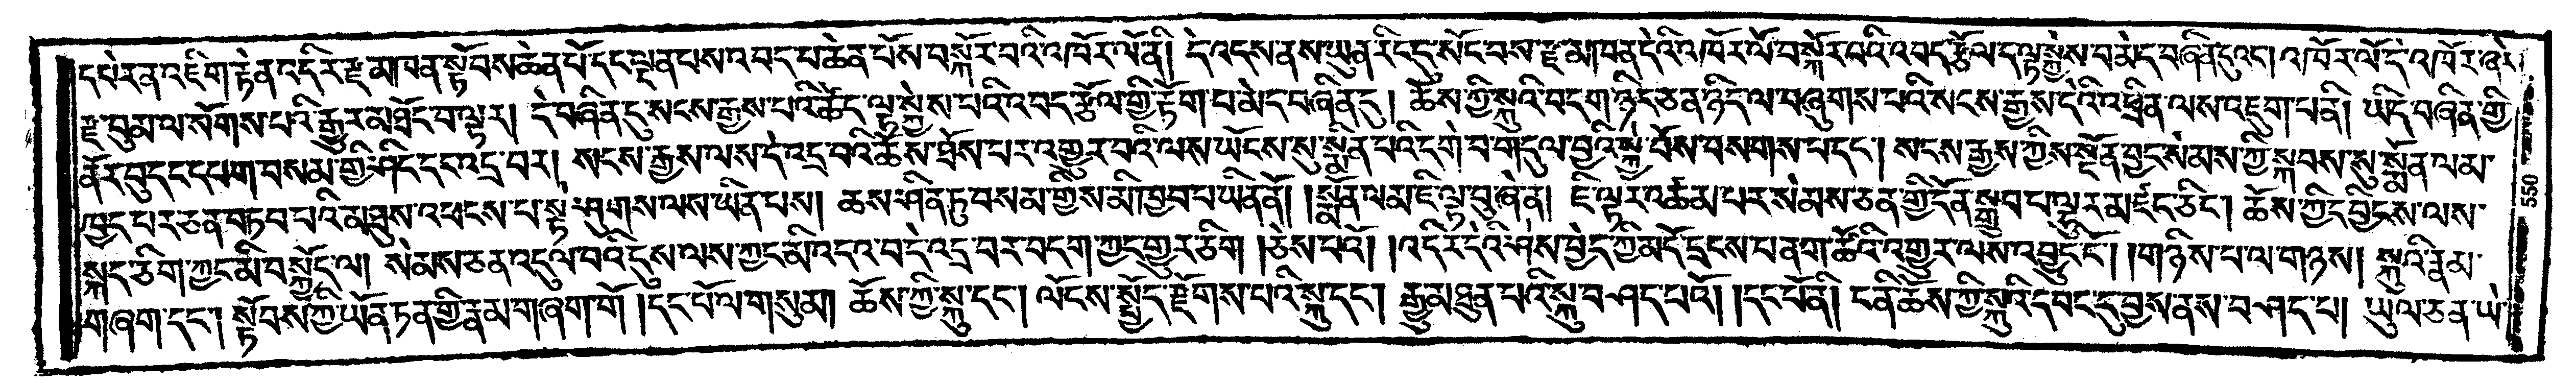དཔེར་ན་འཇིག་རྟེན་འདིར་རྫ་མཁན་སྟོབས་ཆེན་པོ་དང་ལྡན་པས་འབད་པ་ཆེན་པོས་བསྐོར་བའི་འཁོར་ལོ་ནི། དེ་འདས་ནས་ཡུན་རིང་དུ་སོང་བས་རྫ་མཁན་དེའི་འཁོར་ལོ་བསྐོར་བའི་འབད་རྩོལ་ད་ལྟ་སྐྱེས་པ་མེད་བཞིན་དུའང་། འཁོར་ལོ་ད་འཁོར་ཞིང་
རྫ་བུམ་ལ་སོགས་པའི་རྒྱུར་མཐོང་བ་ལྟར། དེ་བཞིན་དུ་སངས་རྒྱས་པའི་ཚེ་ད་ལྟ་སྐྱེས་པའི་འབད་རྩོལ་གྱི་རྟོག་པ་མེད་བཞིན་དུ། ཆོས་ཀྱི་སྐུའི་བདག་ཉིད་ཅན་ཉིད་ལ་བཞུགས་པའི་སངས་རྒྱས་དེའི་འཕྲིན་ལས་འཇུག་པ་ནི། ཡིད་བཞིན་གྱི་
ནོར་བུ་དང་དཔག་བསམ་གྱི་ཤིང་དང་འདྲ་བར། སངས་རྒྱས་ལས་དེ་འདྲ་བའི་ཆོས་ཐོས་པར་འགྱུར་བའི་ལས་ཡོངས་སུ་སྨིན་པའི་དགེ་བ་གདུལ་བྱའི་སྐྱེ་བོས་བསགས་པ་དང་། སངས་རྒྱས་ཀྱིས་སྔོན་བྱང་སེམས་གྱི་སྐབས་སུ་སྨོན་ལམ་
ཁྱད་པར་ཅན་བཏབ་པའི་མཐུས་འཕངས་པ་སྟེ་ཤུགས་ལས་ཡིན་པས། ཆེས་ཤིན་ཏུ་བསམ་གྱིས་མི་ཁྱབ་པ་ཡིན་ནོ། །སྨོན་ལམ་ཇི་ལྟ་བུ་ཞེ་ན། ཇི་ལྟར་འཚམ་པར་སེམས་ཅན་གྱི་དོན་སྒྲུབ་པ་ལྷུར་མཛད་ཅིང་། ཆོས་ཀྱི་དབྱིངས་ལས་
སྐད་ཅིག་ཀྱང་མི་བསྐྱོད་ལ། སེམས་ཅན་གདུལ་བའི་དུས་ལས་ཀྱང་མི་འདའ་བ་དེ་འདྲ་བར་བདག་ཀྱང་གྱུར་ཅིག །ཅེས་པའོ། །འདིར་དེའི་ཤས་བྱེད་ཀྱི་མདོ་དྲངས་པ་ནག་ཚོའི་འགྱུར་ལས་འབྱུང་ངོ། །གཉིས་པ་ལ་གཉིས། སྐུའི་རྣམ་
གཞག་དང་། སྟོབས་ཀྱི་ཡོན་ཏན་གྱི་རྣམ་གཞག་གོ །དང་པོ་ལ་གསུམ། ཆོས་ཀྱི་སྐུ་དང་། ལོངས་སྤྱོད་རྫོགས་པའི་སྐུ་དང་། རྒྱུ་མཐུན་པའི་སྐུ་བཤད་པའོ། །དང་པོ་ནི། དེ་ནི་ཆོས་ཀྱི་སྐུའི་དབང་དུ་བྱས་ནས་བཤད་པ། ཡུལ་ཅན་ཡེ་